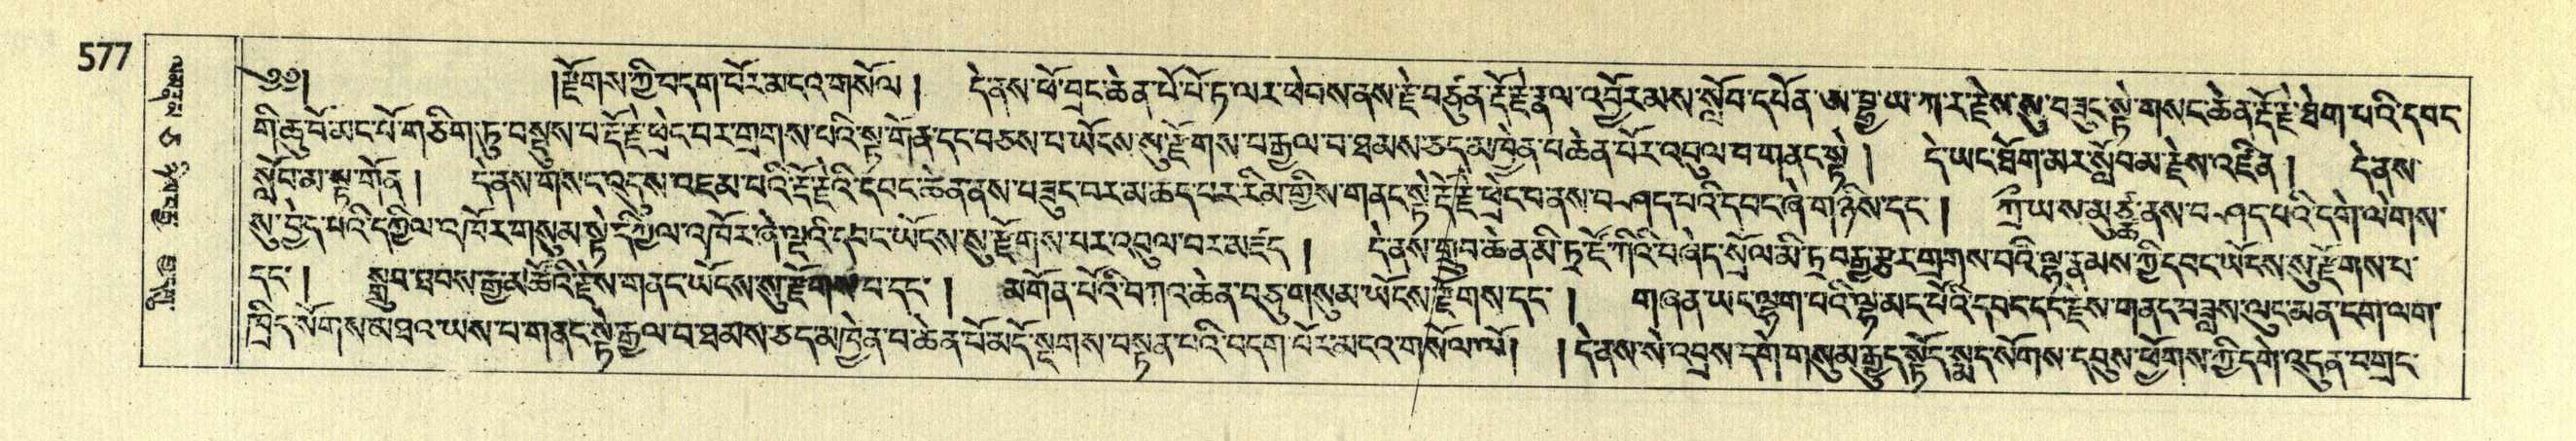༄༅། །རྫོགས་ཀྱི་བདག་པོར་མངའ་གསོལ། དེ་ནས་ཕོ་བྲང་ཆེན་པོ་པོ་ཏ་ལར་ཕེབས་ནས་རྗེ་བཙུན་རྡོ་རྗེ་རྣལ་འབྱོར་མས་སློབ་དཔོན་ཨ་བྷྱ་ཡ་ཀ་རེ་རྗེས་སུ་བཟུང་སྟེ་གསང་ཆེན་རྡོ་རྗེ་ཐེག་པའི་དབང་
གི་ཆུ་བོ་མང་པོ་གཅིག་ཏུ་བསྡུས་པ་རྡོ་རྗེ་ཕྲེང་བར་གྲགས་པའི་སྟ་གོན་དང་བཅས་པ་ཡོངས་སུ་རྫོགས་པ་རྒྱལ་བ་ཐམས་ཅད་མཁྱེན་པ་ཆེན་པོར་འབུལ་བ་གནང་སྟེ། དེ་ཡང་ཐོག་མར་སློབ་མ་རྗེས་འཛིན། དེ་ནས་
སློབ་མ་སྟ་གོན། དེ་ནས་གསང་འདུས་འཇམ་པའི་རྡོ་རྗེའི་དབང་ཆེན་ནས་བཟུང་བར་མ་ཆད་པར་རིམ་གྱིས་གནང་སྟེ་རྡོ་རྗེ་ཕྲེང་བ་ནས་བཤད་པའི་དབང་ཞེ་གཉིས་དང་། ཀྲྀ་ཡ་ས་མུཙྪ་ནས་བཤད་པའི་དགེ་ལེགས་
སུ་བྱེད་པའི་དཀྱིལ་འཁོར་གསུམ་སྟེ་དཀྱིལ་འཁོར་ཞེ་ལྔའི་དབང་ཡོངས་སུ་རྫོགས་པར་འབུལ་བར་མཛད། དེ་ནས་གྲུབ་ཆེན་མི་ཏྲ་ཛོ་ཀིའི་བཞེད་སྲོལ་མི་ཏྲ་བརྒྱ་རྩར་གྲགས་པའི་ལྷ་རྣམས་ཀྱི་དབང་ཡོངས་སུ་རྫོགས་པ་
དང་། སྒྲུབ་ཐབས་རྒྱ་མཚོའི་རྗེས་གནང་ཡོངས་སུ་རྫོགས་པ་དང་། མགོན་པོའི་བཀའ་ཆེན་བཅུ་གསུམ་ཡོངས་རྫོགས་དང་། གཞན་ཡང་ལྷག་པའི་ལྷ་མང་པོའི་དབང་དང་རྗེས་གནང་བཟླས་ལུང་མན་ངག་ལག་
ཁྲིད་སོགས་མཐའ་ཡས་པ་གནང་སྟེ་རྒྱལ་བ་ཐམས་ཅད་མཁྱེན་བ་ཆེན་པོ་མདོ་སྔགས་བསྟན་པའི་བདག་པོར་མངའ་གསོལ་ལོ། །དེ་ནས་སེ་འབྲས་དགེ་གསུམ་རྒྱུད་སྟོད་སྨད་སོགས་དབུས་ཕྱོགས་ཀྱི་དགེ་འདུན་བགྲང་